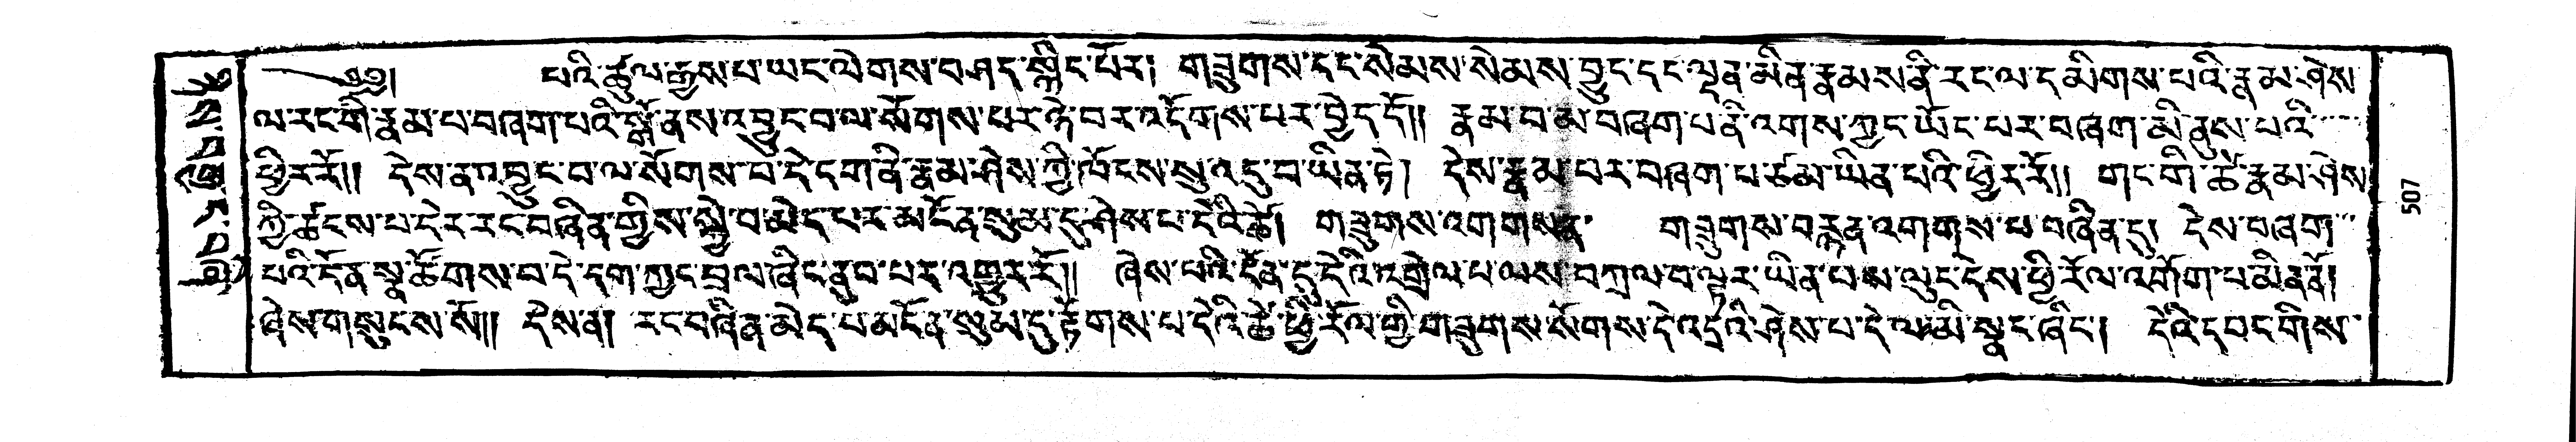༄༅། །པའི་ཚུལ་རྒྱས་པ་ཡང་ལེགས་བཤད་སྙིང་པོར། གཟུགས་དང་སེམས་སེམས་བྱུང་དང་ལྡན་མིན་རྣམས་ནི་རང་ལ་དམིགས་པའི་རྣམ་ཤེས་
ལ་རང་གི་རྣམ་པ་བཞག་པའི་སྒོ་ནས་འབྱུང་བ་ལ་སོགས་པར་ཉེ་བར་འདོགས་པར་བྱེད་དོ། །རྣམ་བ་མ་བཞག་པ་ནི་འགས་ཀྱང་ཡོད་པར་བཞག་མི་ནུས་པའི་
ཕྱིར་རོ། །དེས་ན་འབྱུང་བ་ལ་སོགས་པ་དེ་དག་ནི་རྣམ་ཤེས་ཀྱི་ཁོངས་སུ་འདུ་བ་ཡིན་ཏེ། དེས་རྣམ་པར་བཞག་པ་ཙམ་ཡིན་པའི་ཕྱིར་རོ། །གང་གི་ཚེ་རྣམ་ཤེས་
ཀྱི་ཚངས་པ་དེར་རང་བཞིན་གྱིས་སྐྱེ་བ་མེད་པར་མངོན་སུམ་དུ་ཤེས་པ་དེའི་ཚེ། གཟུགས་འགགས་ན་གཟུགས་བརྙན་འགགས་པ་བཞིན་དུ། དེས་བཞག་
པའི་དོན་སྣ་ཚོགས་བ་དེ་དག་ཀྱང་བྲལ་ཞིང་ནུབ་པར་འགྱུར་རོ། །ཞེས་པའི་དོན་དུ་དེའི་འགྲེལ་པ་ལས་བཀྲལ་བ་ལྟར་ཡིན་པས་ལུང་དེས་ཕྱི་རོལ་འགོག་པ་མིན་ནོ། །
ཞེས་གསུངས་སོ། །དེ་ན། རང་བཞིན་མེད་པ་མངོན་སུམ་དུ་རྟོག་པ་དེའི་ཚེ་ཕྱི་རོལ་གྱི་གཟུགས་སོགས་དེ་འདྲའི་ཤེས་པ་དེ་ལ་མི་སྣང་ཞིང་། དེའི་དབང་གིས་